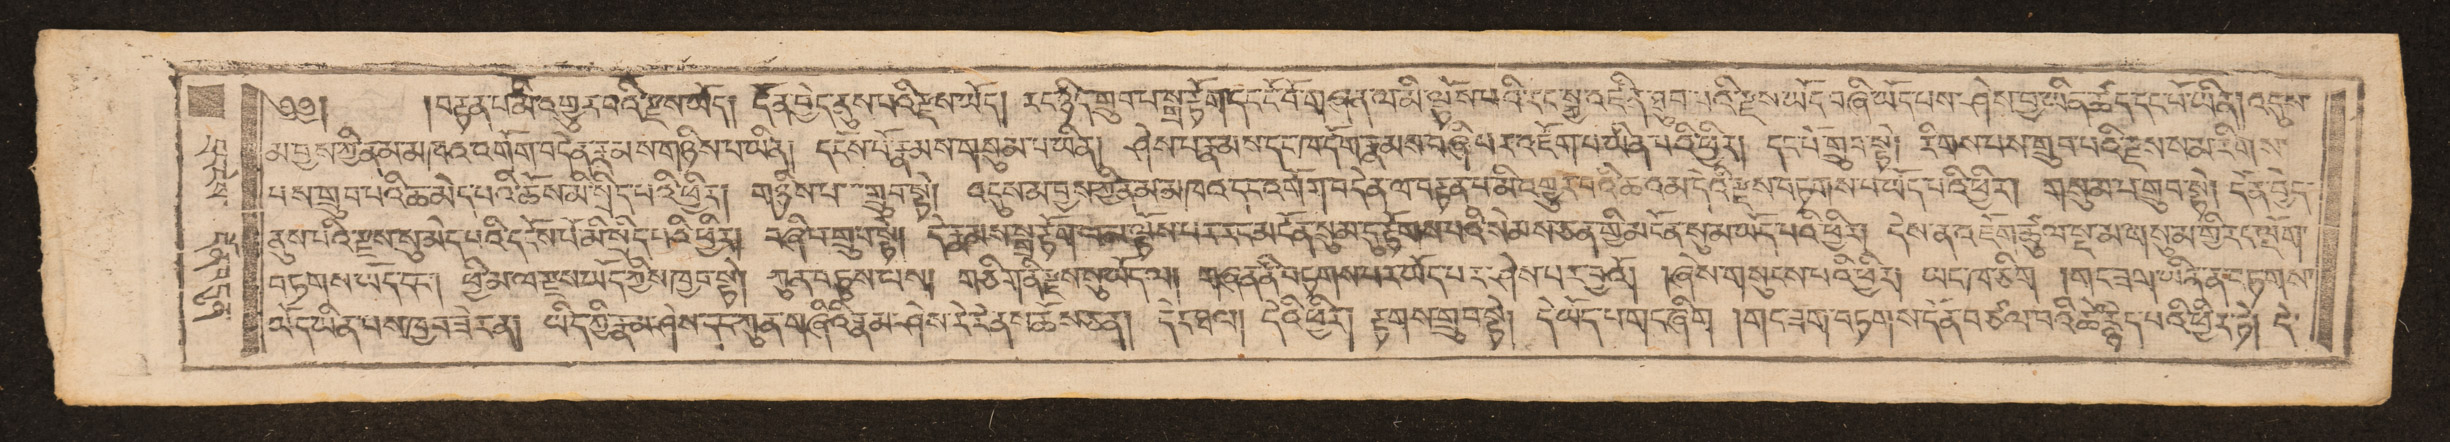༄༅། །བརྟན་པ་མི་འགྱུར་བའི་རྫས་ཡོད། དོན་བྱེད་ནུས་པའི་རྫས་ཡོད། རང་ཉིད་གྲུབ་པ་སྒྲ་རྟོག་དང་ངོ་བོ་གཞན་ལ་མི་ལྟོས་པའི་རང་སྐྱ་འཛིན་ཐུབ་པའི་རྫས་ཡོད་བཞི་ཡོད་པས་ཤེས་བྱ་ཡིན་ཚད་དང་པོ་ཡིན། འདུས་
མ་བྱས་ཀྱི་ནམ་མཁའ་འགོག་བདེན་རྣམས་གཉིས་པ་ཡིན། དངོས་པོ་རྣམས་གསུམ་པ་ཡིན། ཤེས་པ་རྣམས་དང་ཁ་དོག་རྣམས་བཞི་པར་འཇོག་པ་ཡིན་པའི་ཕྱིར། དང་པོ་གྲུབ་སྟེ། རིགས་པས་གྲུབ་པའི་རྫས་སམ་རིགས་
པས་གྲུབ་པའི་ཆ་མེད་པའི་ཆོས་མི་སྲིད་པའི་ཕྱིར། གཉིས་པ་གྲུབ་སྟེ། འདུས་མ་བྱས་ཀྱི་ནམ་མཁའ་དང་འགོག་བདེན་ལ་བརྟན་པ་མི་འགྱུར་བའི་ཆ་འམ་དེའི་རྫས་བཏགས་པ་ཡོད་པའི་ཕྱིར། གསུམ་པ་གྲུབ་སྟེ། དོན་བྱེད་
ནུས་པའི་རྫས་སུ་མེད་པའི་དངོས་པོ་མི་སྲིད་པའི་ཕྱིར། བཞི་པ་གྲུབ་སྟེ། དེ་རྣམས་སྒྲ་རྟོག་ལ་མ་ལྟོས་པར་རང་མངོན་སུམ་དུ་རྟོགས་པའི་སེམས་ཅན་གྱི་མངོན་སུམ་ཡོད་པའི་ཕྱིར། དེས་ན་འཇོག་ཚུལ་སྔ་མ་གསུམ་གྱི་རང་ལྡོག་
བཏགས་ཡོད་དང་། ཕྱི་མ་ལ་རྫས་ཡོད་ཀྱིས་ཁྱབ་སྟེ། ཀུན་བཏུས་ལས། གཅིག་ནི་རྫས་སུ་ཡོད་ལ། གཞན་ནི་བཏགས་པར་ཡོད་པར་ཤེས་པར་བྱའོ། །ཞེས་གསུངས་པའི་ཕྱིར། ཡང་ཁ་ཅིག །གང་ཟག་ཡིན་ན་བཏགས་
ཡོད་ཡིན་པས་ཁྱབ་ཟེར་ན། ཡིད་ཀྱི་རྣམ་ཤེས་དང་ཀུན་གཞིའི་རྣམ་ཤེས་རེ་རེ་ནས་ཆོས་ཅན། དེར་ཐལ། དེའི་ཕྱིར། རྟགས་གྲུབ་སྟེ། དེ་ཡོད་པ་གང་ཞིག །གང་ཟག་བཏགས་དོན་བཙལ་བའི་ཚེ་རྙེད་པའི་ཕྱིར་ཏེ། དེ་